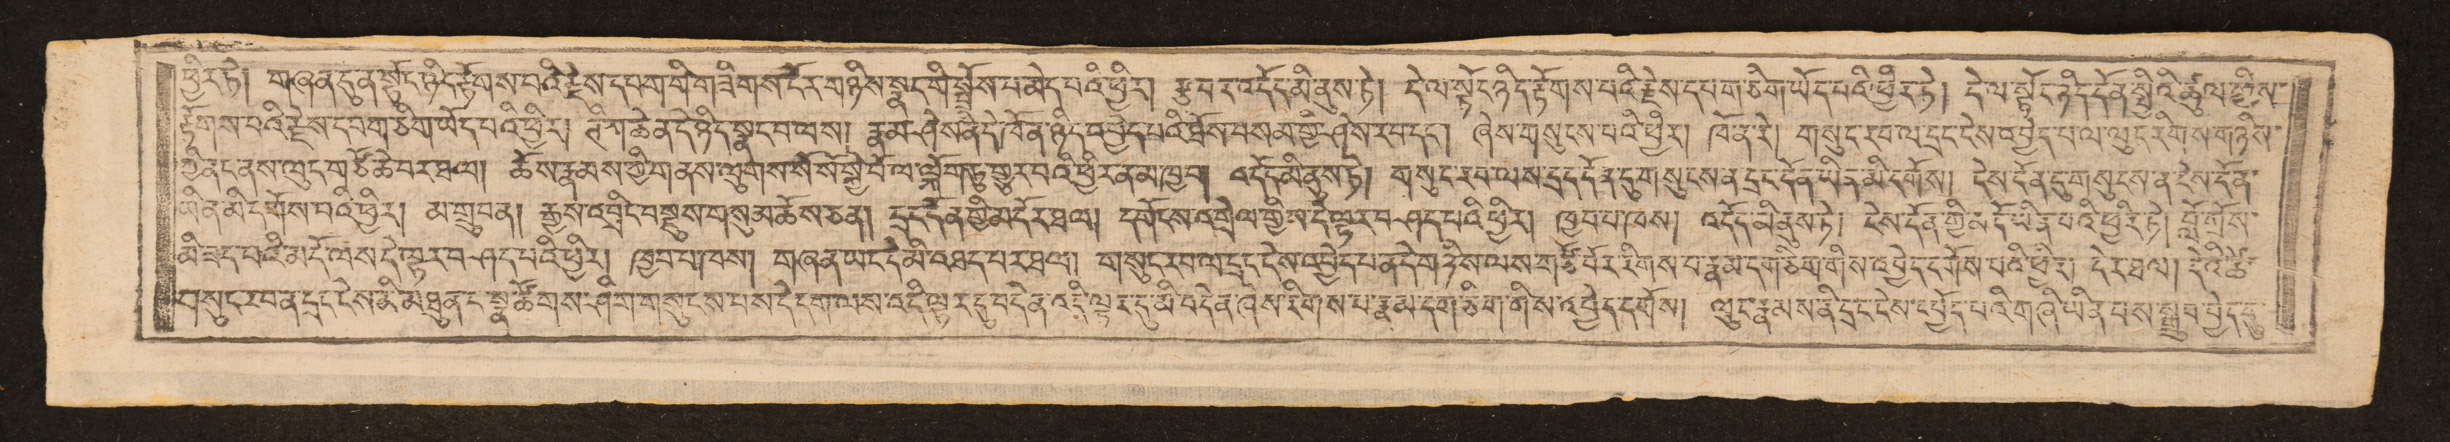ཕྱིར་ཏེ། གཞན་དུ་ན་སྟོང་ཉིད་རྟོགས་པའི་རྗེས་དཔག་གི་གཟིགས་ངོར་གཉིས་སྣང་གི་སྤྲོས་པ་མེད་པའི་ཕྱིར། རྩ་བར་འདོད་མི་ནུས་ཏེ། དེ་ལ་སྟོང་ཉིད་རྟོགས་པའི་རྗེས་དཔག་ཅིག་ཡོད་པའི་ཕྱིར་ཏེ། དེ་ལ་སྟོན་ཉིད་དོན་སྤྱིའི་ཚུལ་གྱིས་
རྟོགས་པའི་རྗེས་དཔག་ཅིག་ཡོད་པའི་ཕྱིར། ཊིཀ་ཆེན་དེ་ཉིད་སྣང་བ་ལས། རྣམ་ཤེས་ནི་དེ་ཁོ་ན་ཉིད་འབྱེད་པའི་ཐོས་བསམ་གྱི་ཤེས་རབ་དང་། ཞེས་གསུངས་པའི་ཕྱིར། ཁོ་ན་རེ། གསུང་རབ་ལ་དྲང་ངེས་འབྱེད་པ་ལ་ལུང་རིགས་གཉིས་
ཀྱི་ནང་ནས་ལུང་གཙོ་ཆེ་བར་ཐལ། ཆོས་རྣམས་ཀྱི་གནས་ལུགས་སོ་སོ་སྐྱེ་བོ་ལ་ལྐོག་ཏུ་གྱུར་བའི་ཕྱིར་ན་མ་ཁྱབ་འདོད་མི་ནུས་ཏེ། གསུང་རབ་ལས་དྲང་དོན་དུ་གསུངས་ན་དྲང་དོན་ཡིན་མི་དགོས། ངེས་དོན་དུ་གསུངས་ན་ངེས་དོན་
ཡིན་མི་དགོས་པའི་ཕྱིར། མ་གྲུབ་ན། རྒྱས་འབྲིང་བསྡུས་གསུམ་ཆོས་ཅན། དྲང་དོན་གྱི་མདོར་ཐལ། དགོངས་འགྲེལ་གྱིས་དེ་ལྟར་བཤད་པའི་ཕྱིར། ཁྱབ་པ་ཁས། འདོད་མི་ནུས་ཏེ། ངེས་དོན་གྱི་མདོ་ཡིན་པའི་ཕྱིར་ཏེ། བློ་གྲོས་
མི་ཟད་པའི་མདོ་ལས་དེ་ལྟར་བཤད་པའི་ཕྱིར། ཁྱབ་པ་ཁས། གཞན་ཡང་དེ་མི་འཐད་པར་ཐལ། གསུང་རབ་ལ་དྲང་ངེས་འབྱེད་པ་ན་དེ་གཉིས་ལས་གཙོ་བོར་རིགས་པ་རྣམ་དག་ཅིག་གིས་འབྱེད་དགོས་པའི་ཕྱིར། དེར་ཐལ། དེའི་ཚེ་
གསུང་རབ་ན་དྲང་ངེས་མི་མཐུན་པ་སྣ་ཚོགས་ཤིག་གསུངས་པས་དེ་དག་ལས་འདི་ལྟར་དུ་བདེན་འདི་ལྟར་དུ་མི་བདེན་ཞེས་རིགས་པ་རྣམ་དག་ཅིག་གིས་འབྱེད་དགོས། ལུང་རྣམས་ནི་དྲང་ངེས་དཔྱོད་པའི་གཞི་ཡིན་པས་སྒྲུབ་བྱེད་དུ་